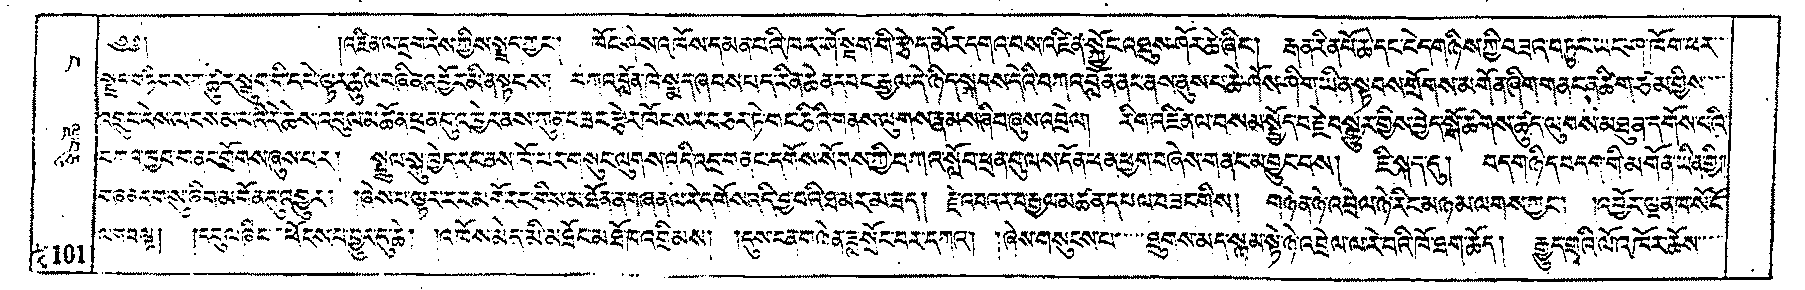༄༅། །འཛིན་ལ་དྲག་རེས་ཀྱིས་སྤྲད་ཀྱང་། ཁོང་ཤེས་འཁོས་དམན་པའི་ཁར་ཤོ་སྦག་གི་རྩེད་མོར་དགའ་བས་འཛིན་སྐྱོང་འཐུས་ཤོར་ཆེ་ཞིང་། རྒན་རིན་པོ་ཆེ་དང་ངེད་གཉིས་ཀྱི་བཟའ་བཏུང་ཡང་ཤ་ཁོག་ཕར་
སྤྲད་གཏིགས་ཀ་ཚུར་སྒུག་གི་དཔེ་ལྟར་ཚུལ་བཞིན་འབྱོར་མིན་སྟབས། བཀའ་བློན་ཁེ་སྨད་ཞབས་པད་རིན་ཆེན་དབང་རྒྱལ་དེ་ཉིད་སྐབས་དེའི་བཀའ་བློན་ནང་ནས་ནུས་པ་ཆེ་ཤོས་ཤིག་ཡིན་སྟབས་གྲོགས་མགོན་ཞིག་གནང་ན་ཚིག་ཙམ་གྱིས་
འགྲུབ་ངེས་ལ་བསམ་པའི་རེ་ཆེས་འབུལ་མཚོན་ཕྲན་བུ་འཁྱེར་ནས་ཀུན་བཟང་རྩེར་ཁོང་སར་བཅར་ཏེ་གང་ཅིའི་གནས་ལུགས་རྣམས་ཞིབ་ཞུས་འབྲེལ། རིག་འཛིན་ལ་བསམ་སྤྱོད་བརྗེ་བསྒྱུར་གྱིས་བྱེད་སྒོ་ཚགས་ཚུད་ལུགས་མཐུན་དགོས་པའི་
བཀའ་ཁྱབ་གནང་གྲོགས་ཞུས་པར། སྤྲུལ་སྐུ་ཁྱེད་རང་ནས་ཁོ་བར་གསུང་ལུགས་འདི་འདྲ་གནང་དགོས་སོགས་ཀྱི་བཀའ་སློབ་ཕྲན་བུ་ལས་དོན་ཕན་ཕྱག་བཞེས་གནང་མ་བྱུང་བས། ཇི་སྐད་དུ། བདག་ཉིད་བདག་གི་མགོན་ཡིན་གྱི།།
གཞན་དག་སུ་ཞིག་མགོན་དུ་འགྱུར། །ཞེས་པ་ལྟར་རང་མགོ་རང་གིས་མ་ཐོན་ན་གཞན་ལ་རེ་དགོས་འདི་བྱ་བའི་ཐ་མར་མ་ཟད། རྗེ་འབའ་ར་བ་རྒྱལ་མཚན་དཔལ་བཟང་གིས། གཉེན་ཉེ་འབྲེལ་ཉེ་རིང་མཉམ་ལགས་ཀྱང་། །འབྱོར་ལྡན་ཁ་སོ་ངོ་
ལག་བལྟ། །དབུལ་ཞིང་ཕོངས་པ་བྱུར་དུ་ཆེ། །འཁོས་མེད་མི་མཐོང་མཐོ་ཁ་འགྲིམས། །དུས་ངན་གཉེན་ཟླ་སྲོང་བར་དཀའ། །ཞེས་གསུངས་པ་ཐུགས་མད་སྙམ་སྟེ་ཉེ་འབྲེལ་ལ་རེ་བའི་ཁོ་ཐག་ཆོད། རྒྱུད་གྲྭའི་ལོ་འཁོར་ཆོས་